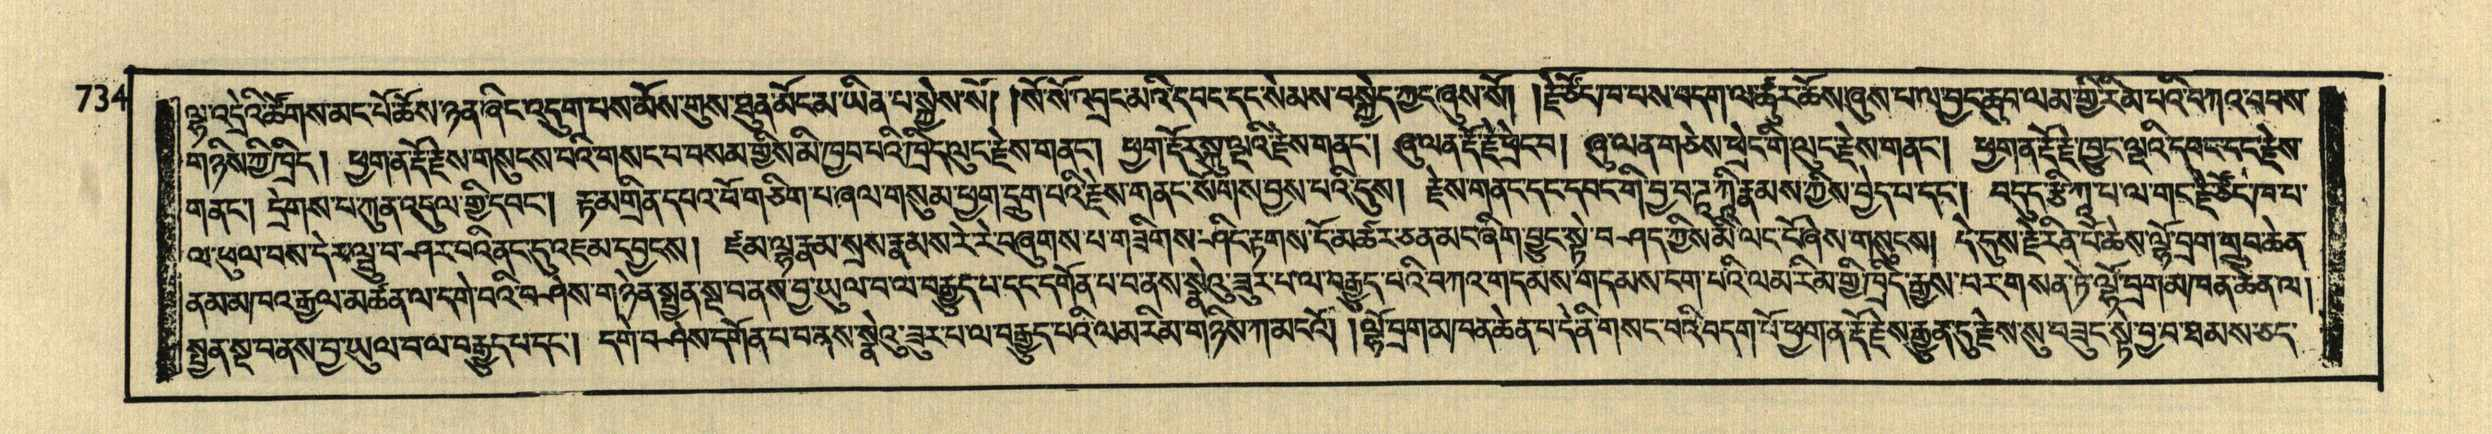ལྷ་འདྲེའི་ཚོགས་མང་པོ་ཆོས་ཉན་ཞིང་འདུག་པས་མོས་གུས་ཐུན་མོང་མ་ཡིན་པ་སྐྱེས་སོ། །སོ་སོ་འབྲང་མའི་དབང་དང་སེམས་བསྐྱེད་ཀྱང་ཞུས་སོ། །རྗེ་ཙོང་ཁ་པས་བདག་ལ་ཚུར་ཆོས་ཞུས་པ་ལ་བྱང་ཆུབ་ལམ་གྱི་རིམ་པའི་བཀའ་བབས་
གཉིས་ཀྱི་ཁྲིད། ཕྱག་ན་རྡོ་རྗེས་གསུངས་པའི་གསང་བ་བསམ་གྱིས་མི་ཁྱབ་པའི་ཁྲིད་ལུང་རྗེས་གནང་། ཕྱག་རྡོར་སྐུ་ལྔའི་རྗེས་གནང་། ཞུ་ལན་རྡོ་རྗེ་ཕྲེང་བ། ཞུ་ལན་གཅེས་ཕྲེང་གི་ལུང་རྗེས་གནང་། ཕྱག་ན་རྡོ་རྗེ་ཁྱུང་ལྔའི་དབང་དང་རྗེས་
གནང་། དྲེགས་པ་ཀུན་འདུལ་གྱི་དབང་། རྟ་མགྲིན་དཔའ་བོ་གཅིག་པ་ཞལ་གསུམ་ཕྱག་དྲུག་པའི་རྗེས་གནང་སོགས་བྱས་པའི་དུས། རྗེས་གནང་དང་དབང་གི་བྱ་བ་ཌཱ་ཀཱི་རྣམས་ཀྱིས་བྱེད་པ་དང་། བདུད་རྩི་ཀཱ་པ་ལ་གང་རྗེ་ཙོང་ཁ་པ་
ལ་ཕུལ་བས་དེར་ལྦུ་བ་ཤར་བའི་ནང་དུ་འཇམ་དབྱངས། ཛམ་ལྷ་རྣམ་སྲས་རྣམས་རེ་རེ་བཞུགས་པ་གཟིགས་ཤིང་རྟགས་ངོ་མཚར་ཅན་མང་ཞིག་བྱུང་སྟེ་བཤད་ཀྱིས་མི་ལང་ངོ་ཞེས་གསུངས། དེ་དུས་རྗེ་རིན་པོ་ཆེས་ལྷོ་བྲག་གྲུབ་ཆེན་
ནམ་མཁའ་རྒྱལ་མཚན་ལ་དགེ་བའི་བཤེས་གཉེན་སྦྱན་སྔ་བ་ནས་བྱ་ཡུལ་བ་ལ་བརྒྱུད་པ་དང་དགོན་པ་བ་ནས་སྣེའུ་ཟུར་པ་ལ་བརྒྱུད་པའི་བཀའ་གདམས་གདམས་ངག་པའི་ལམ་རིམ་གྱི་ཁྲིད་རྒྱས་པར་གསན་ཏེ་ལྷོ་བྲག་མཁན་ཆེན་ལ།
སྤྱན་སྔ་བ་ནས་བྱ་ཡུལ་བ་ལ་བརྒྱུད་པ་དང་། དགེ་བཤེས་དགོན་པ་བ་ནས་སྣེའུ་ཟུར་པ་ལ་བརྒྱུད་པའི་ལམ་རིམ་གཉིས་ཀ་མངའོ། །ལྷོ་བྲག་མཁན་ཆེན་པ་དེ་ནི་གསང་བའི་བདག་པོ་ཕྱག་ན་རྡོ་རྗེས་རྒྱུན་དུ་རྗེས་སུ་བཟུང་སྟེ་བྱ་བ་ཐམས་ཅད་